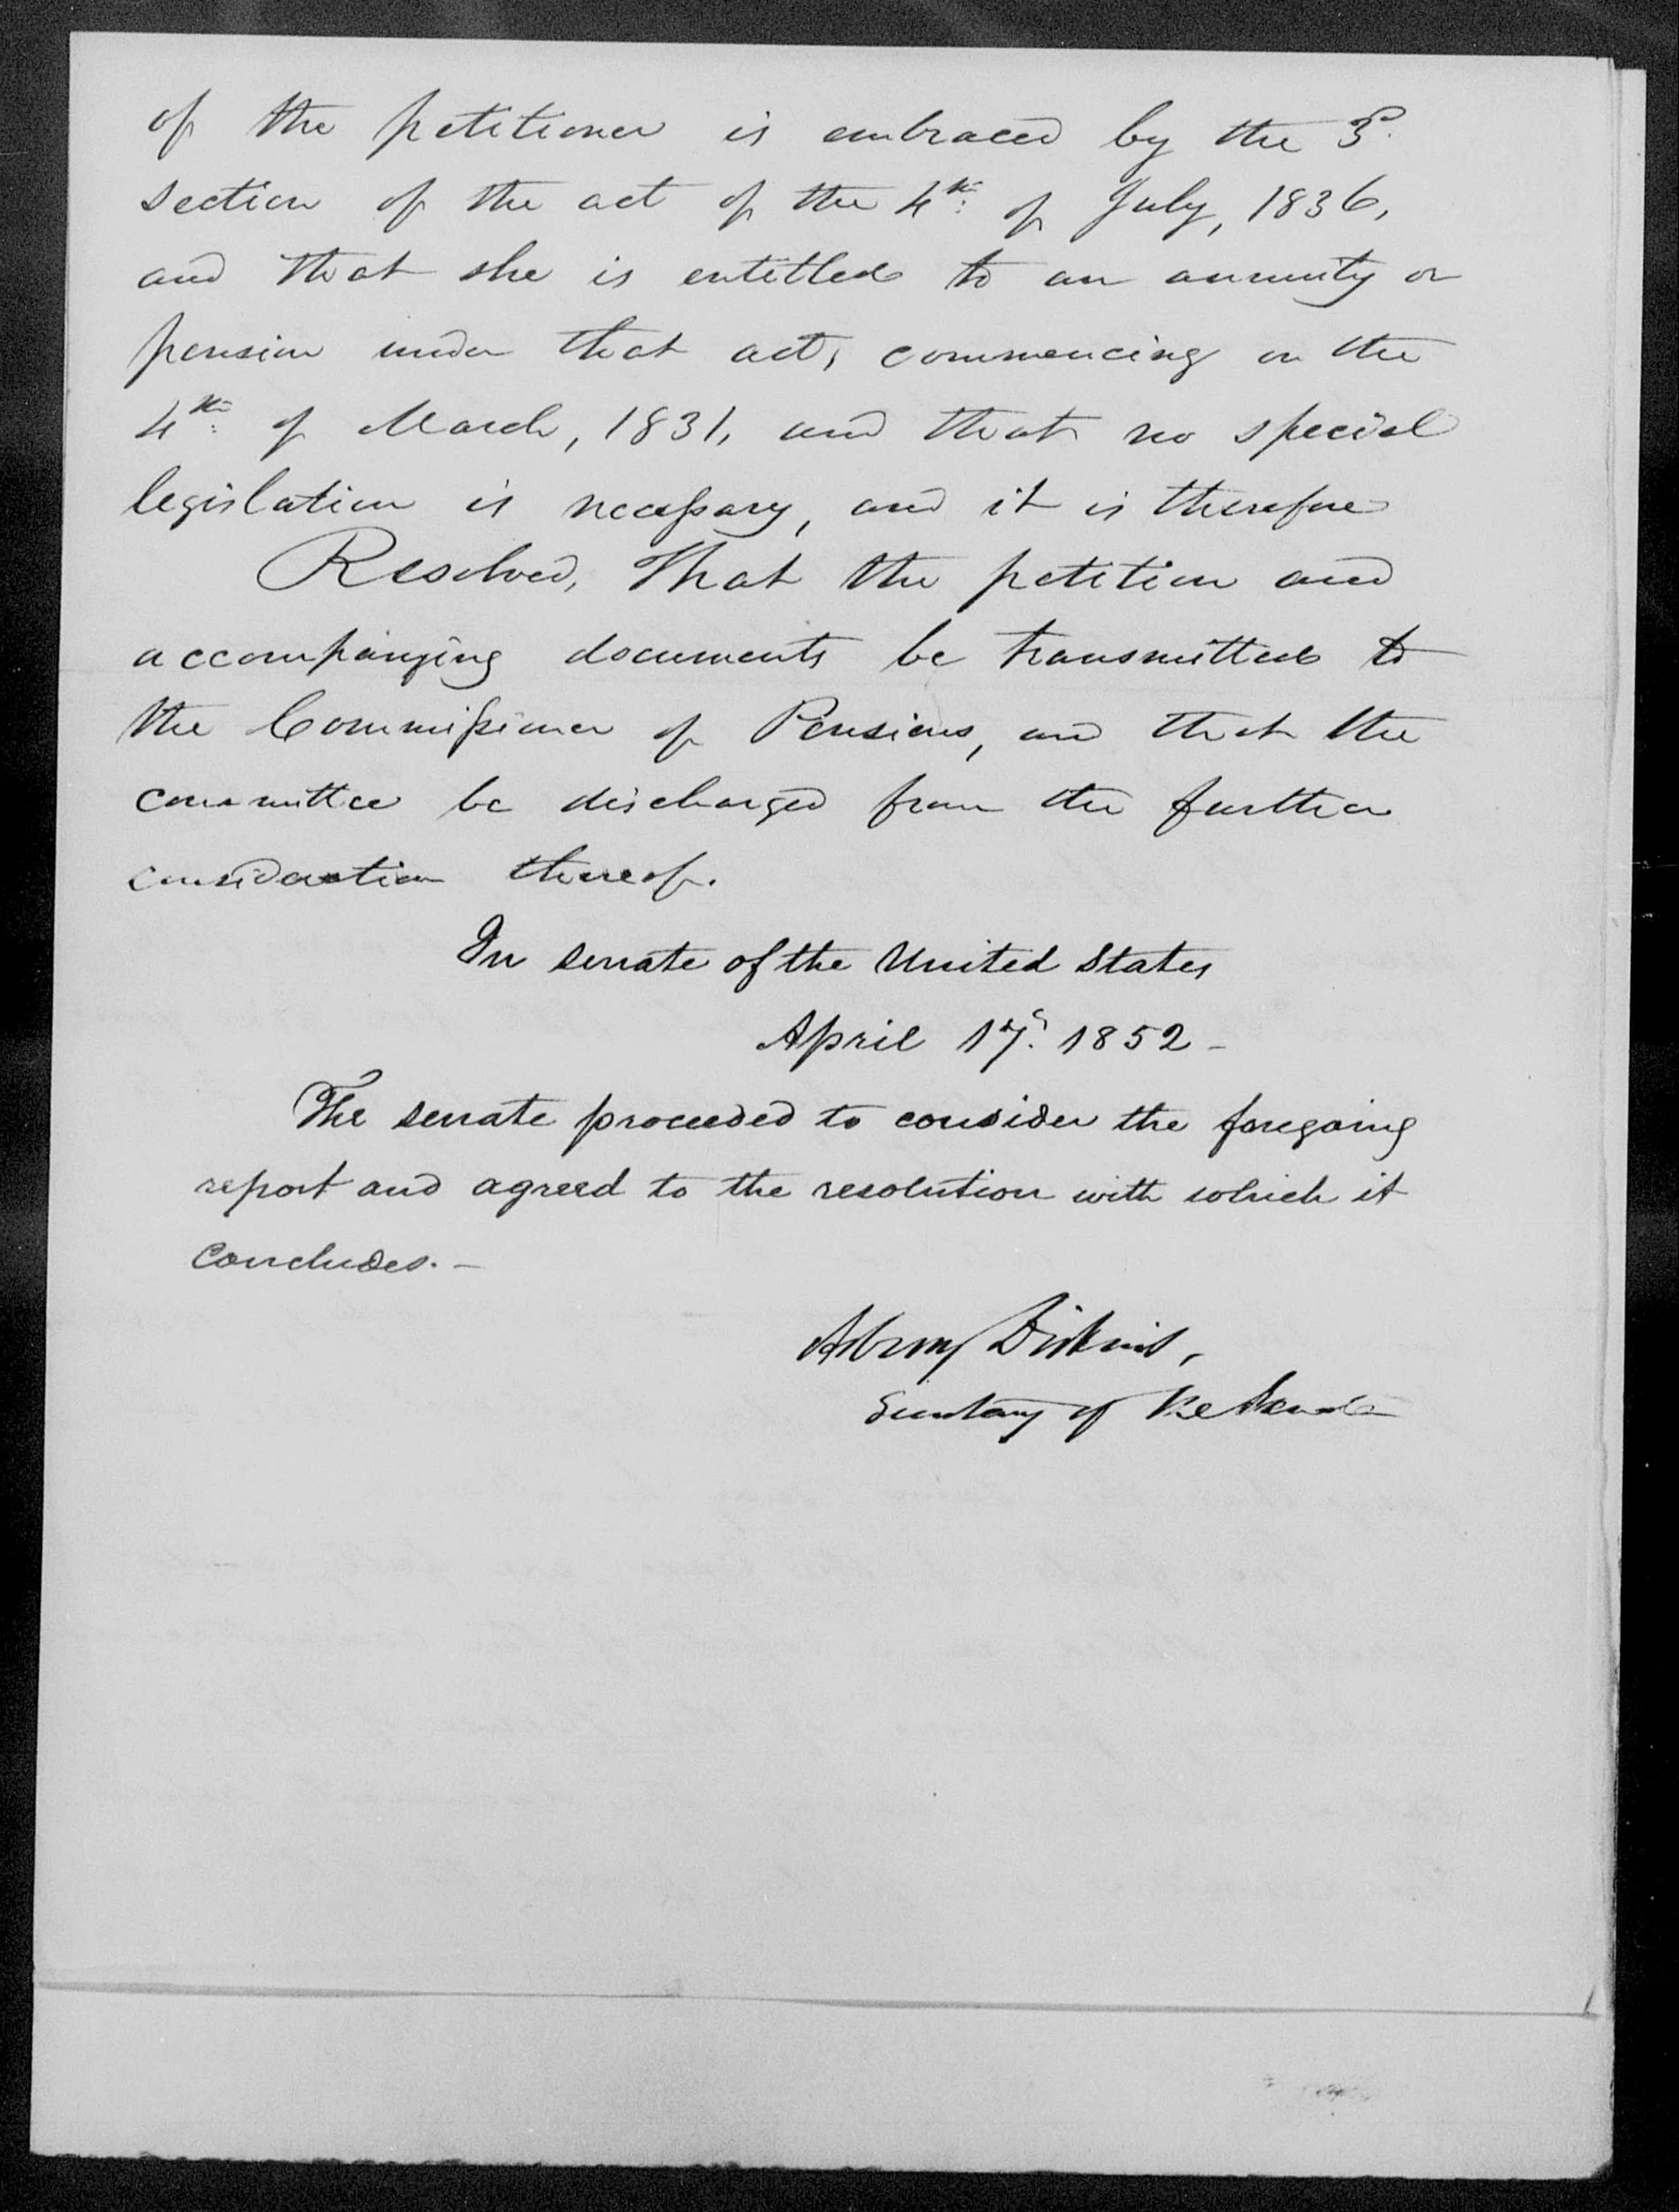of the petitioner is embraced by the 3d. section of the act of the 4th of July, 1836, and that she is entitled to an annuity or pension under that act, commencing on the 4th of March, 1831, and that no special legislation is necessary, and it is therefore
Resolved, That the petition and the accompanying documents be transmitted to the Commissioner of Pensions, and that the committee be discharged from the further consideration thereof.
In senate of the United States
April 17. 1852 -
The senate proceeded to consider the foregoing report and agreed to the resolution with which it Concludes.-
Asbury Dickens,
Secretary of the Senate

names: Asbury Dickins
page: 135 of 267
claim: widow's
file: W. 4,149, William Campbell, Va.